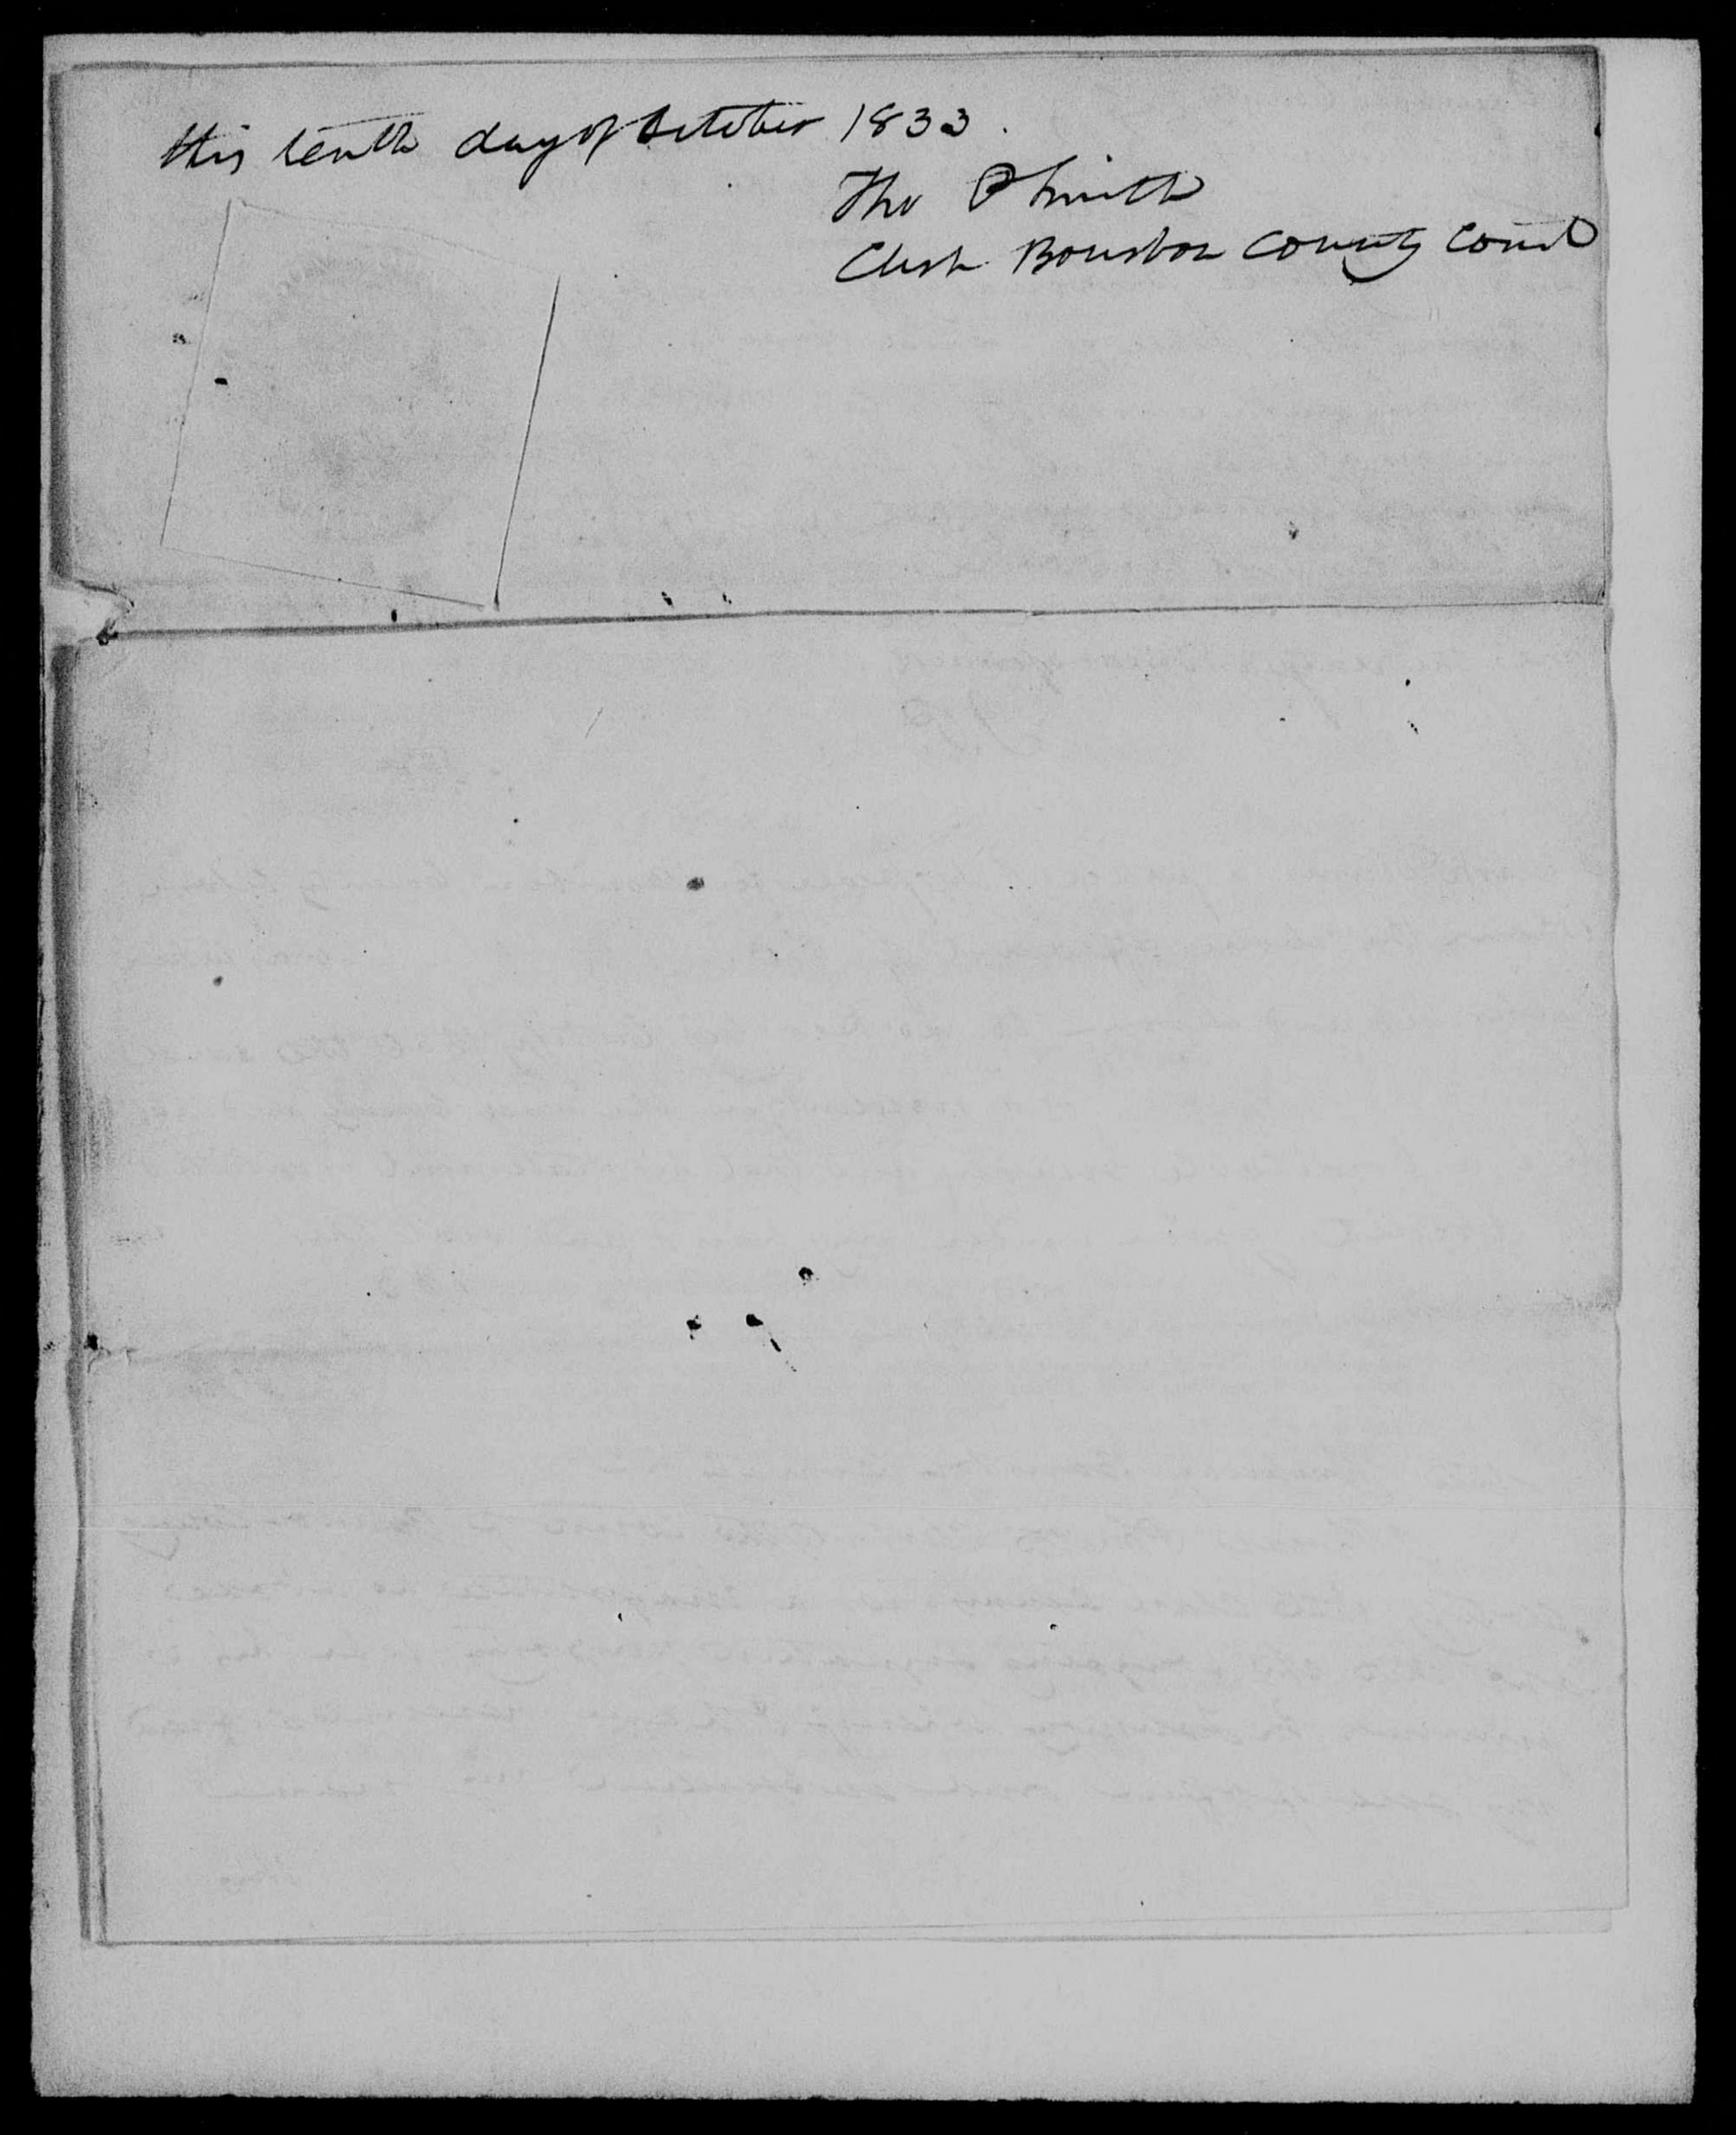this tenth day of October 1833
Tho P Smith
Clerk Bourbon County Court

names: Tho P Smith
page: 73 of 84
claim: widow's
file: W. 7744, Daniel Hickey, Penn.